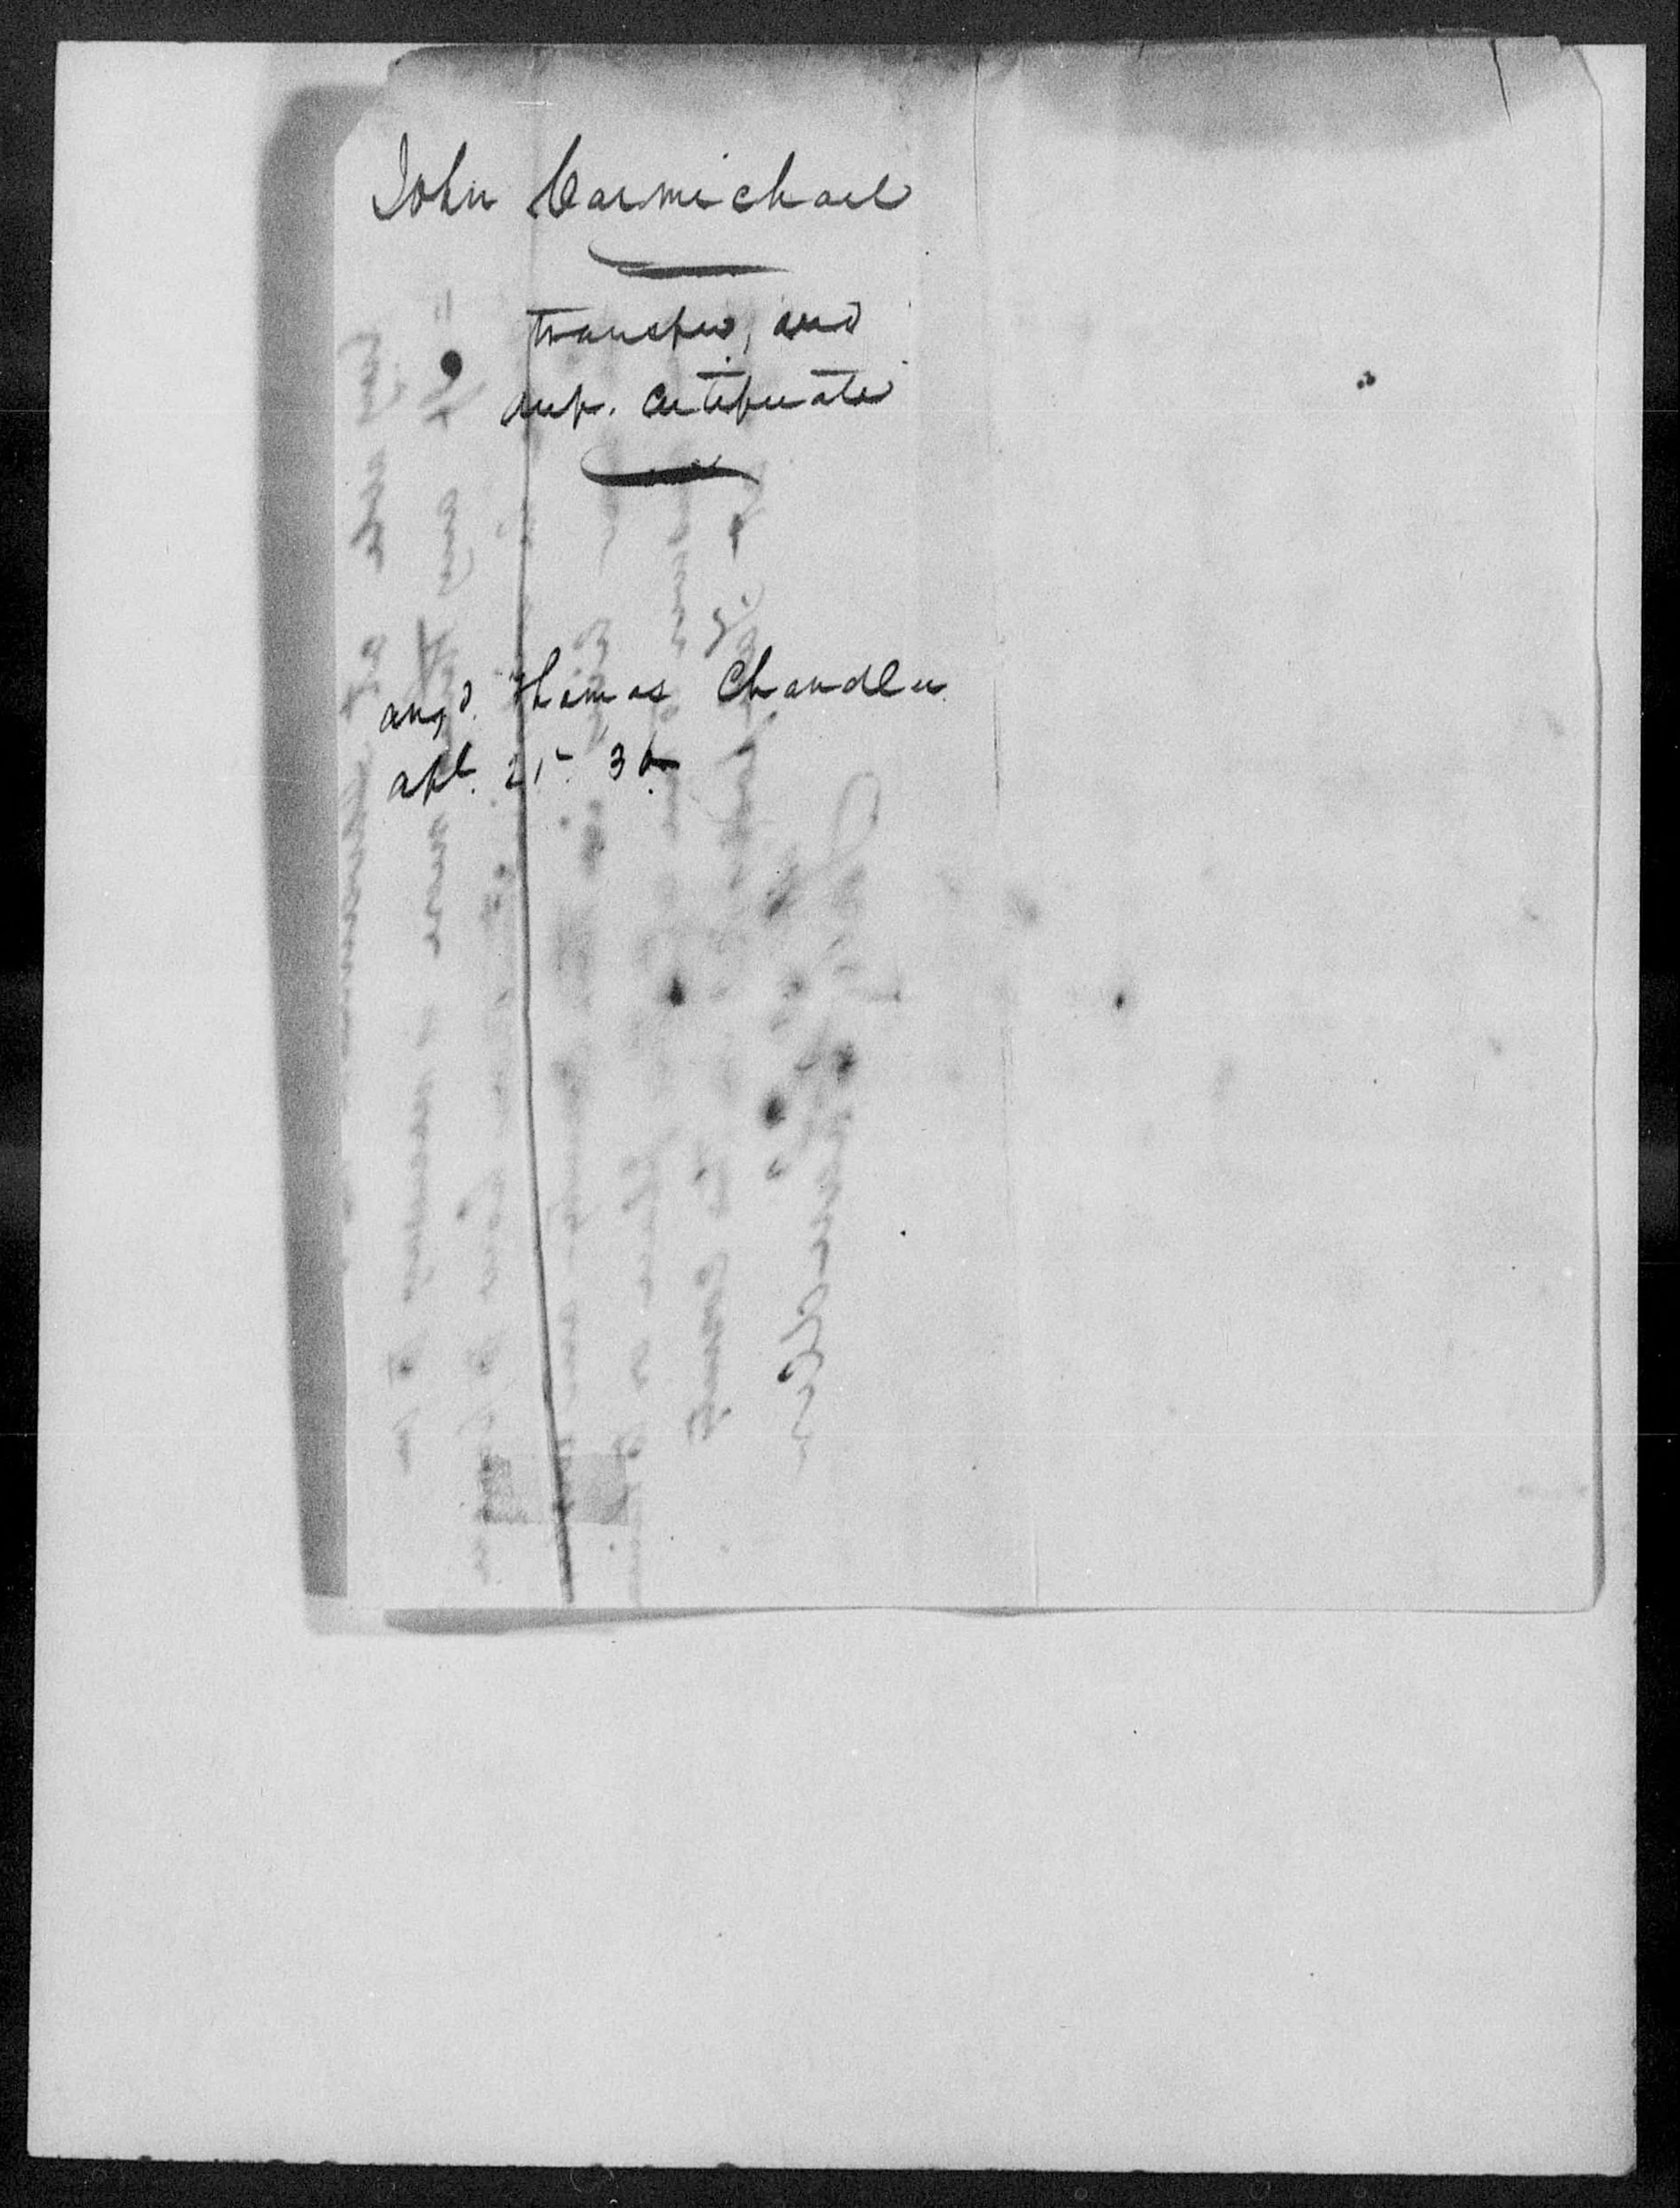John Carmichael

Transcribed and
Sub. Certificate

Ansd. Thomas Chandler
Apl. 21    3 ?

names: John Carmichael, Thomas Chandler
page: 18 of 42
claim: survivor's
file: S. 31,595, John Carmickele, Penn.